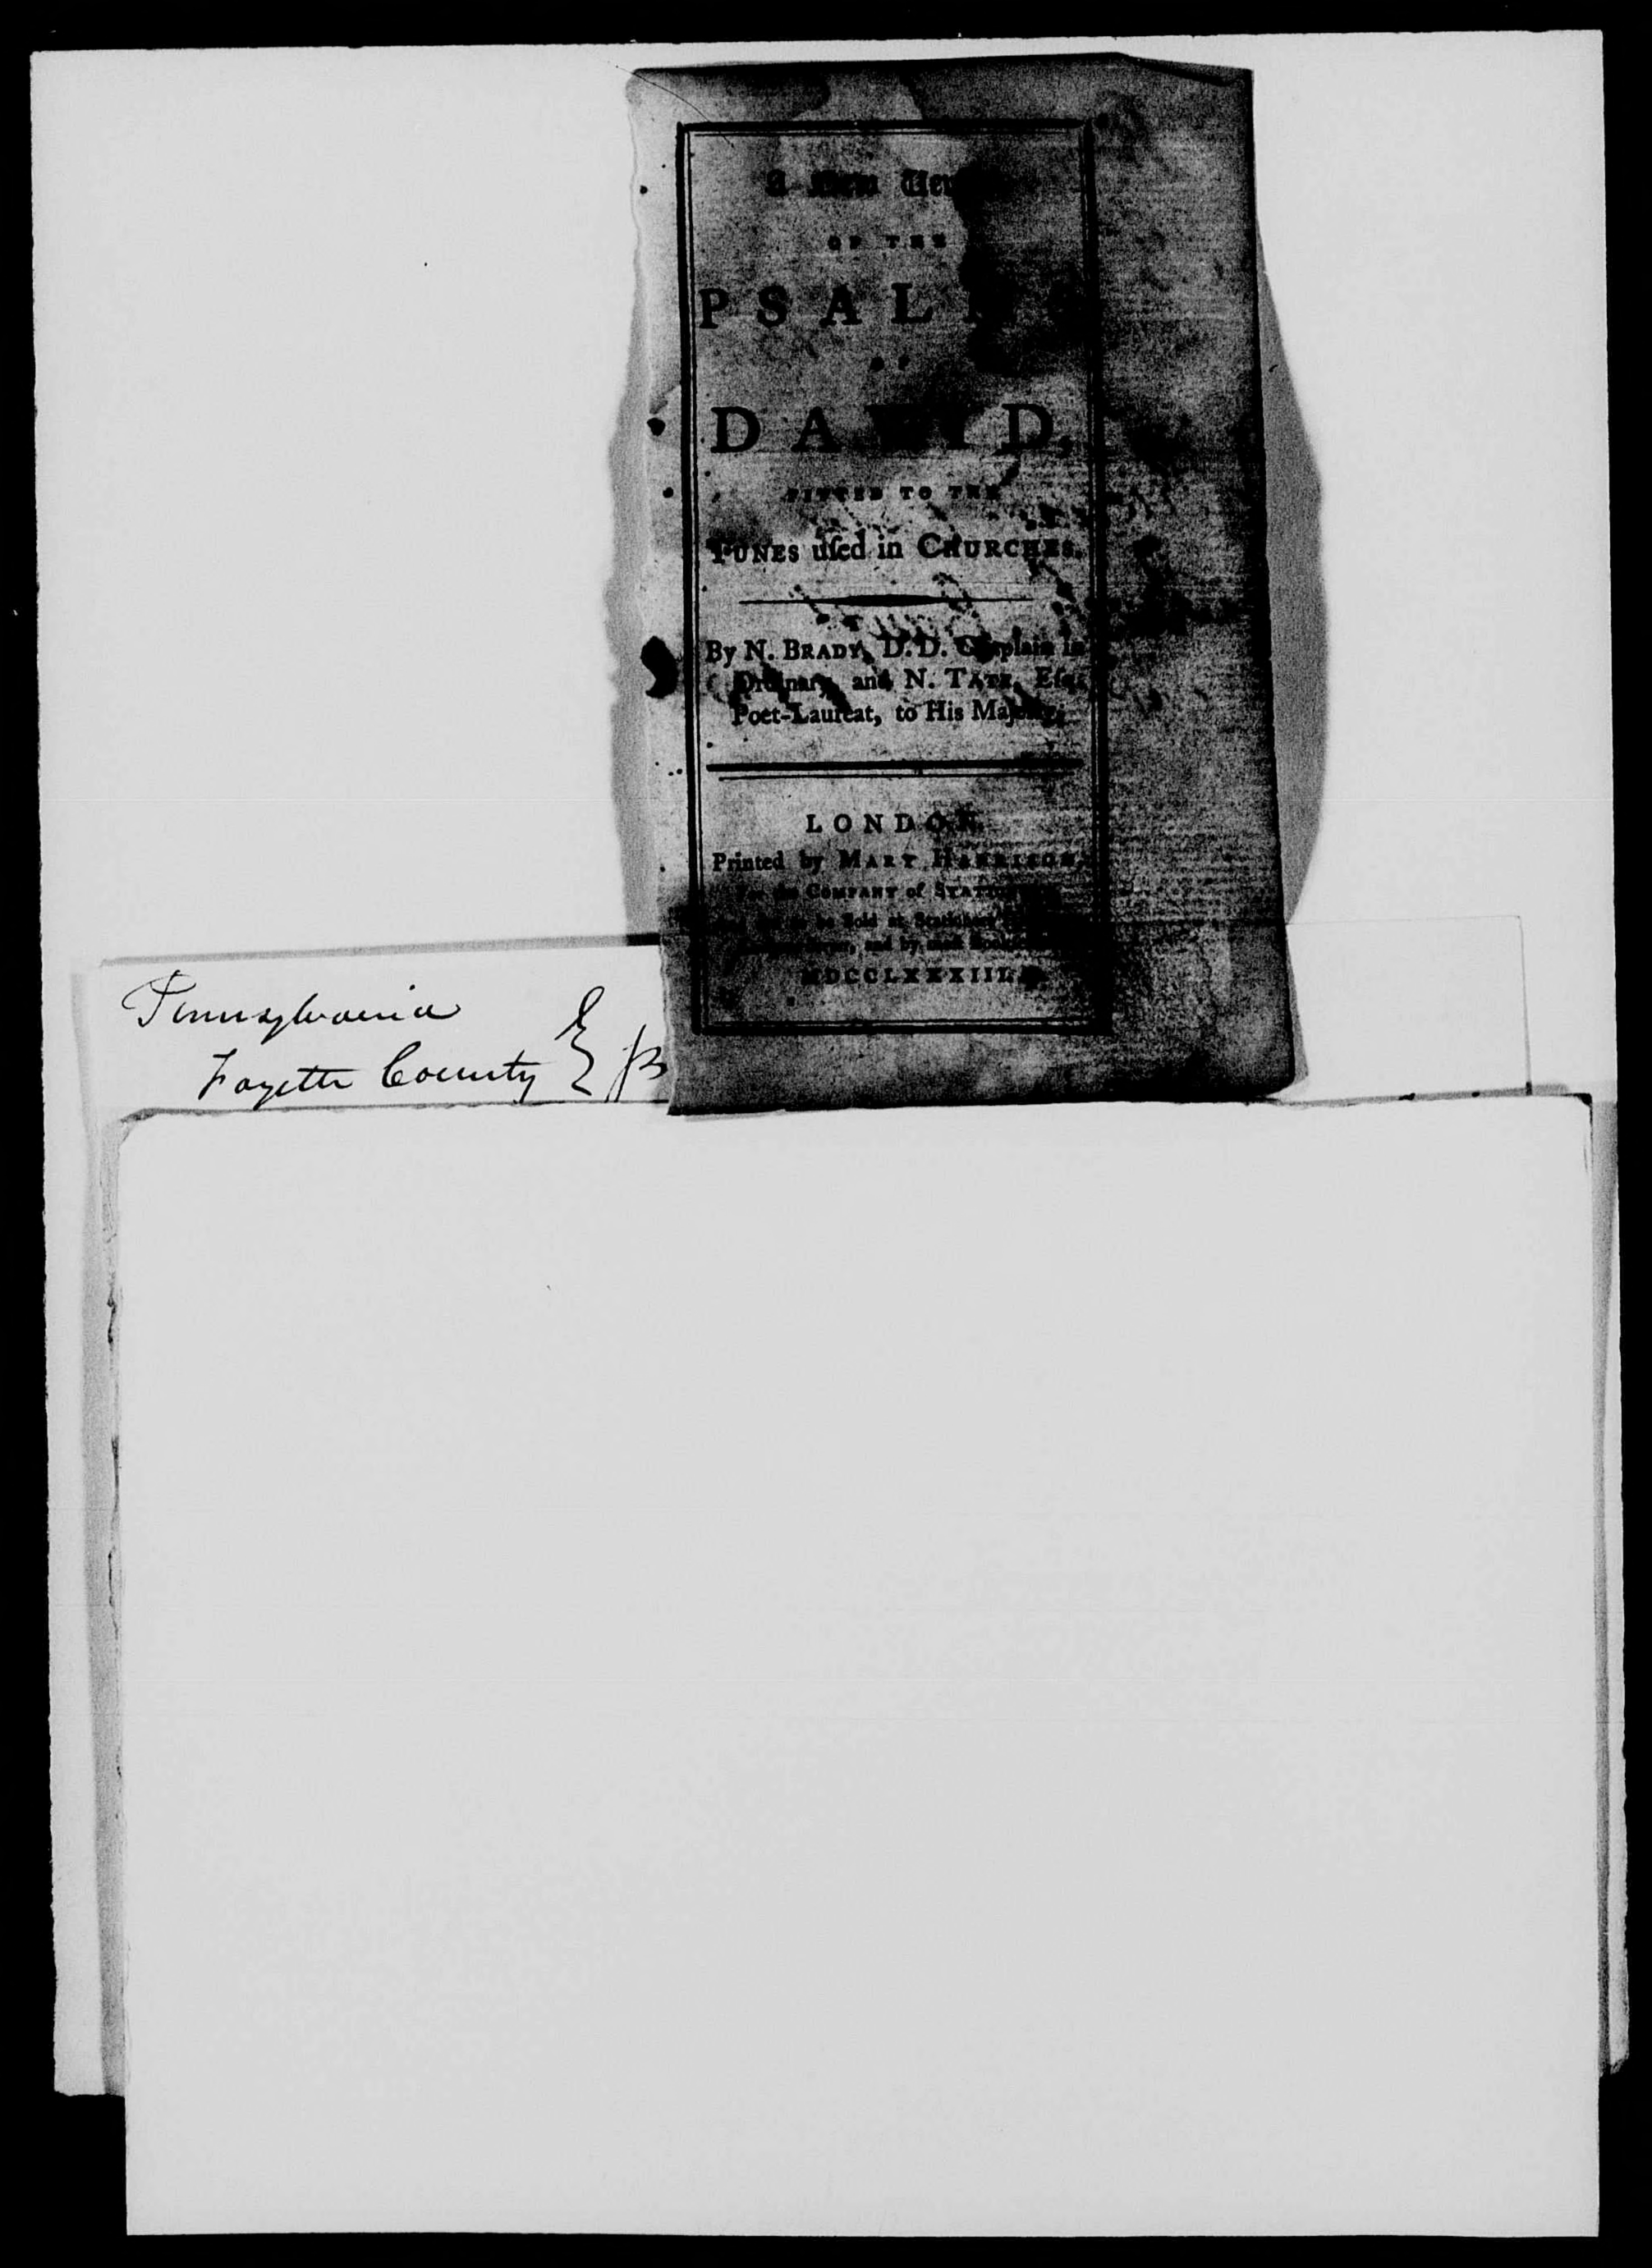[illegible] [illegible] [illegible]
of the 
PSALMS
of 
DAVID
FITTED TO THE 
TUNES USED IN CHURCHES
By N. BRADY, D.D.  Chaplain in
[illegible] and N. TATE, Esq
Poet-Laureat, to His Majesty

LONDON
Printed by Mary Harrison
For the COMPANY OF [ILLEGIBLE]
[illegible words] Sold at Stationers [illegible]
[illegible words] and by [illegible words]
MDCCLXXXIII

Pennsylvania }
Fayette County }  [illegible]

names: N Tate, D D Chaplain, N Brady, Mary Harrison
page: 13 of 19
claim: rejected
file: R. 2,283, Richard Cooley, Md.